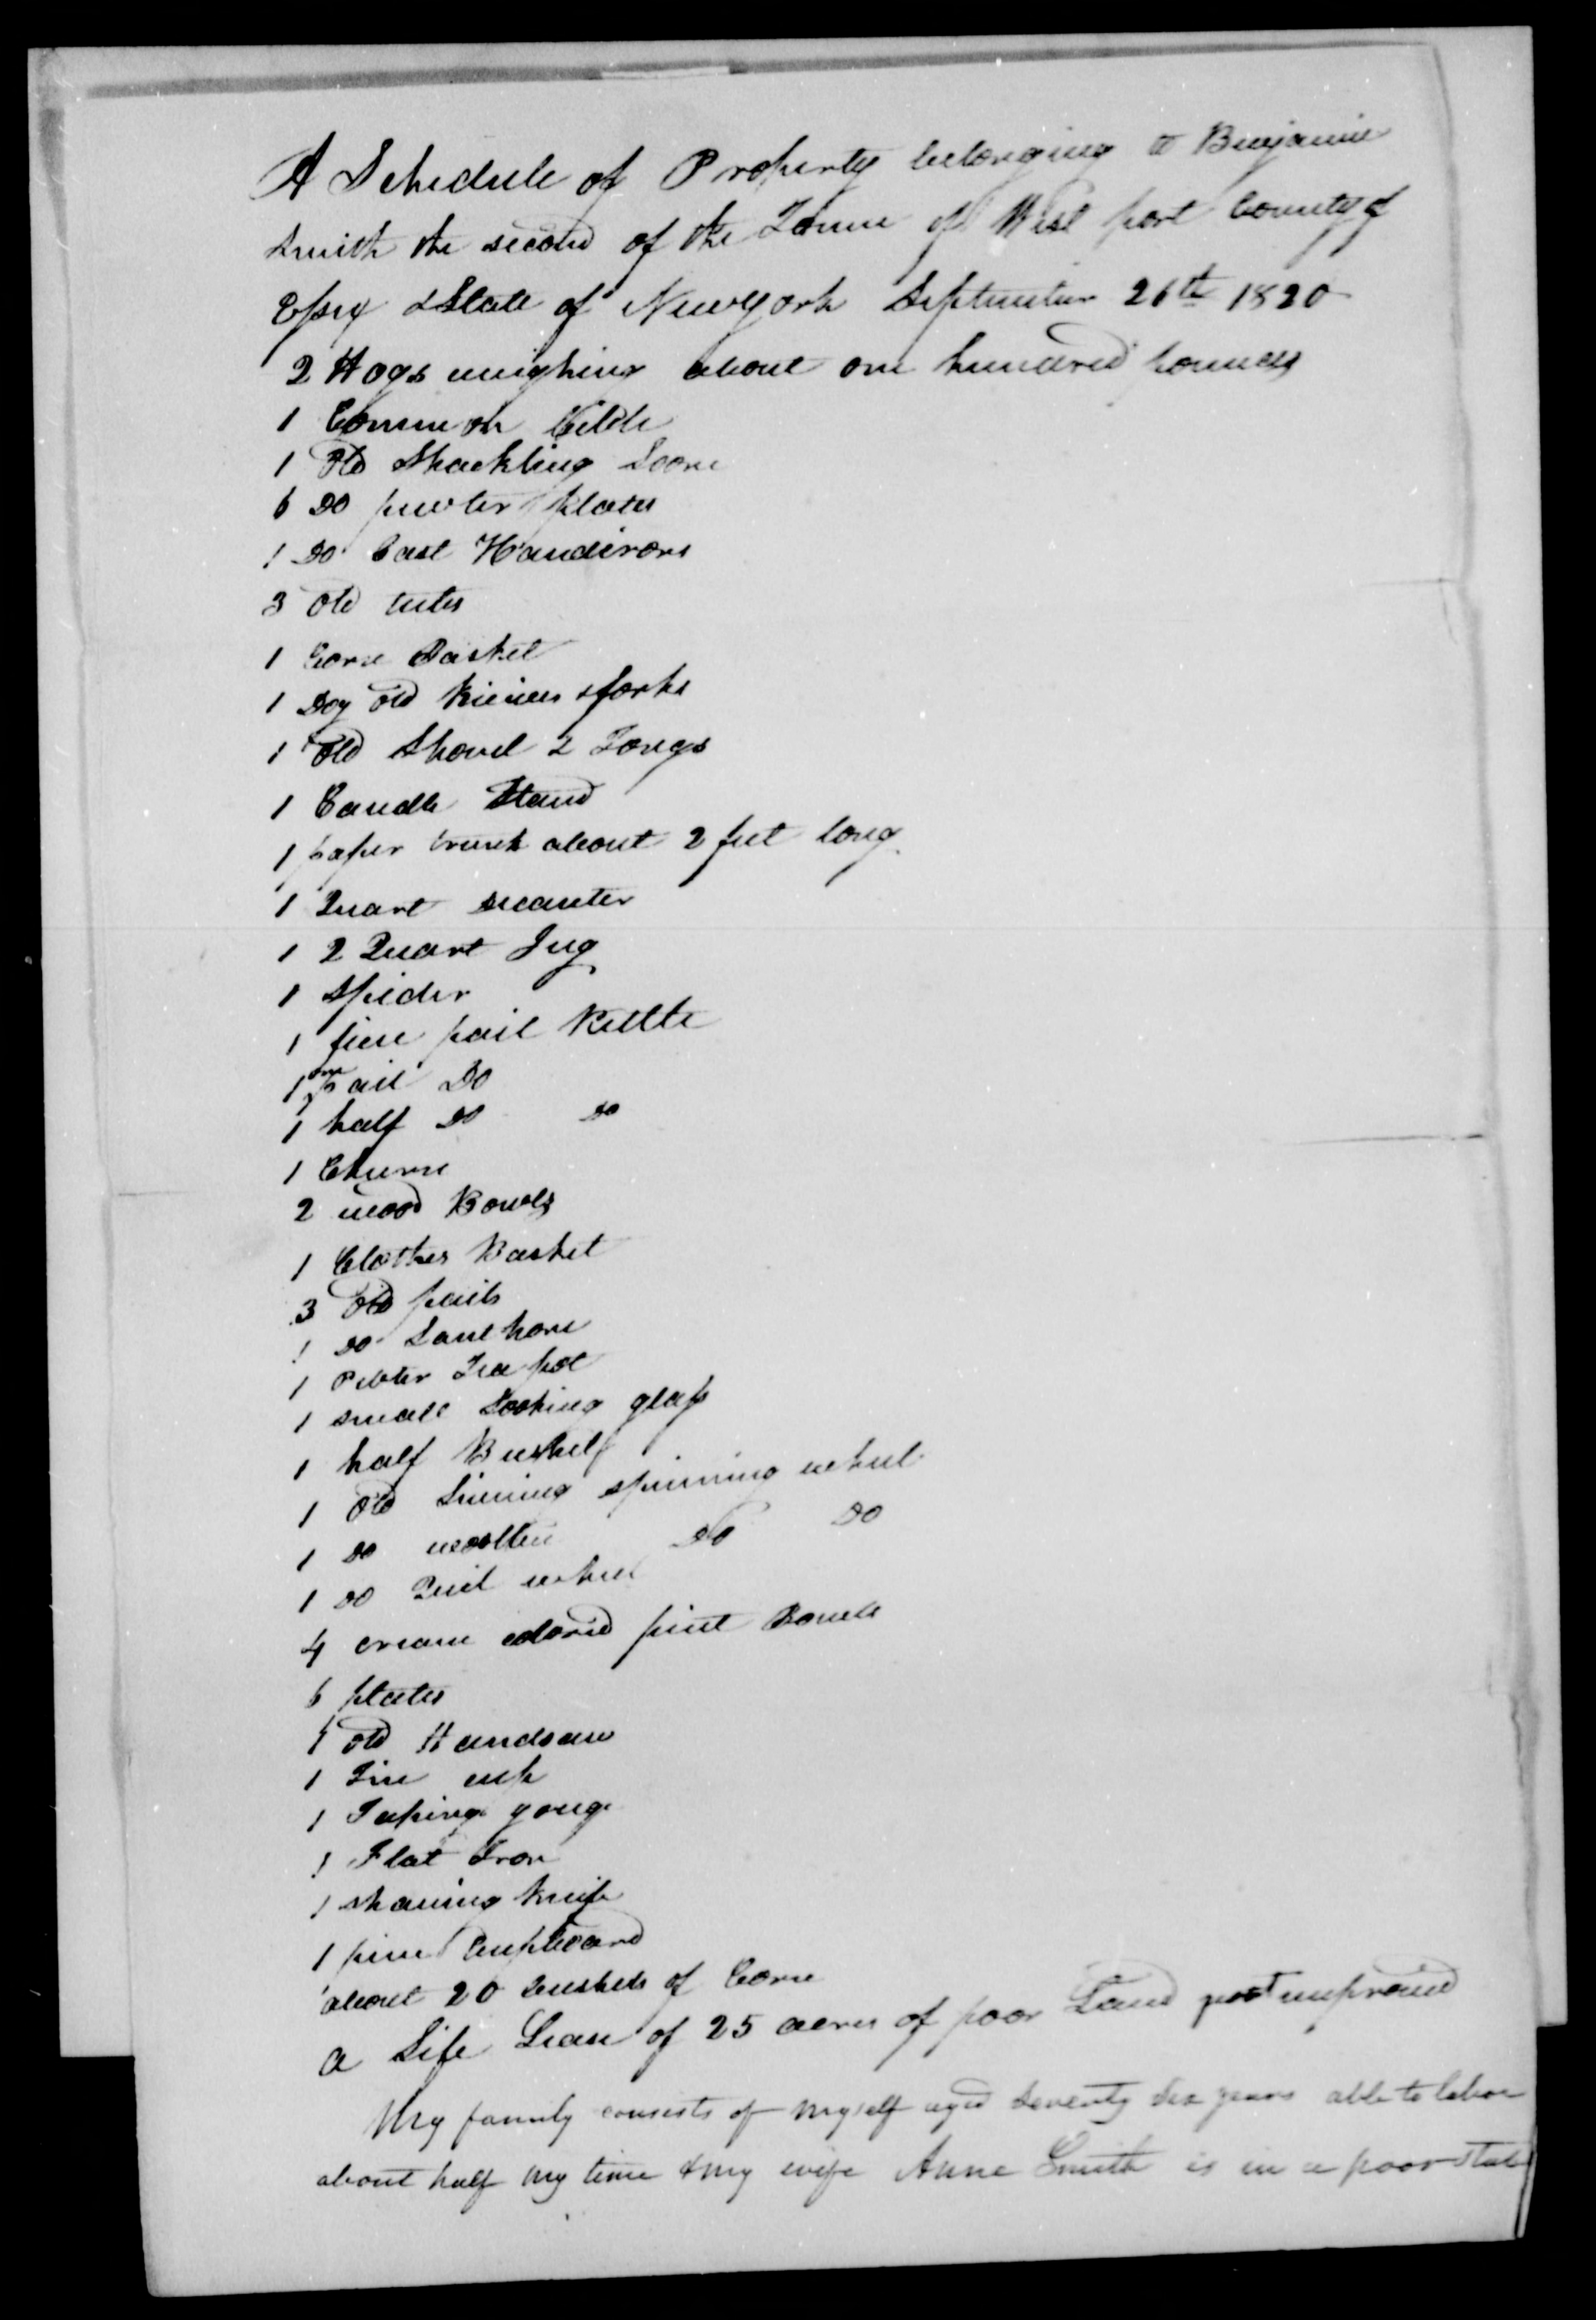A Schedule of Property belonging to Benjamin Smith the second of the Town of Westport County of Essex & State of New York September 26th 1830 
2 Hogs weighing about one hundred pounds 
1 Common bible 
1 [illegible] Shackling [illegible] 
6 Do pewter plates 
1 Do Cast Handirons 
3 old tubs 
1 corn Basket 
1 set old knives & forks 
1 old Shovel & Tongs 
1 Candle Stand 
1 paper trunk about 2 feet long 
1 Quart decanter 
12 quart Jug 
1 Spider 
1 piece pail Kettle 
1 ^[illegible] Do 
1 half do
1 Churn 
2 wood Bowls 
1 clothes Basket 
3 old pails 
1 Do [illegible] [illegible]
1 Pewter Tea pot 
1 small looking glass 
1 half Bushel 
1 old [illegible] spinning wheel 
1 Do Woollen 
1 Do Quil which 
4 cream [illegible][illegible] Bowls 
6 plates 
1 old Handsaw 
1 Taping gauge
1 Flat Iron 
1 shaving knife 
1 pine cupboard 
about 20 Bushels of Corn 
A Life Lease of 25 acres of poor Land [illegible] 
the family consists of myself aged Seventy Six years able to labor about half my time & my wife Aune Smith is in a poor state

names: Benjamin Smith; Anne Smith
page: 11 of 16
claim: survivor's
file: S. 42341, for Benjamin Smith, Rhode Island